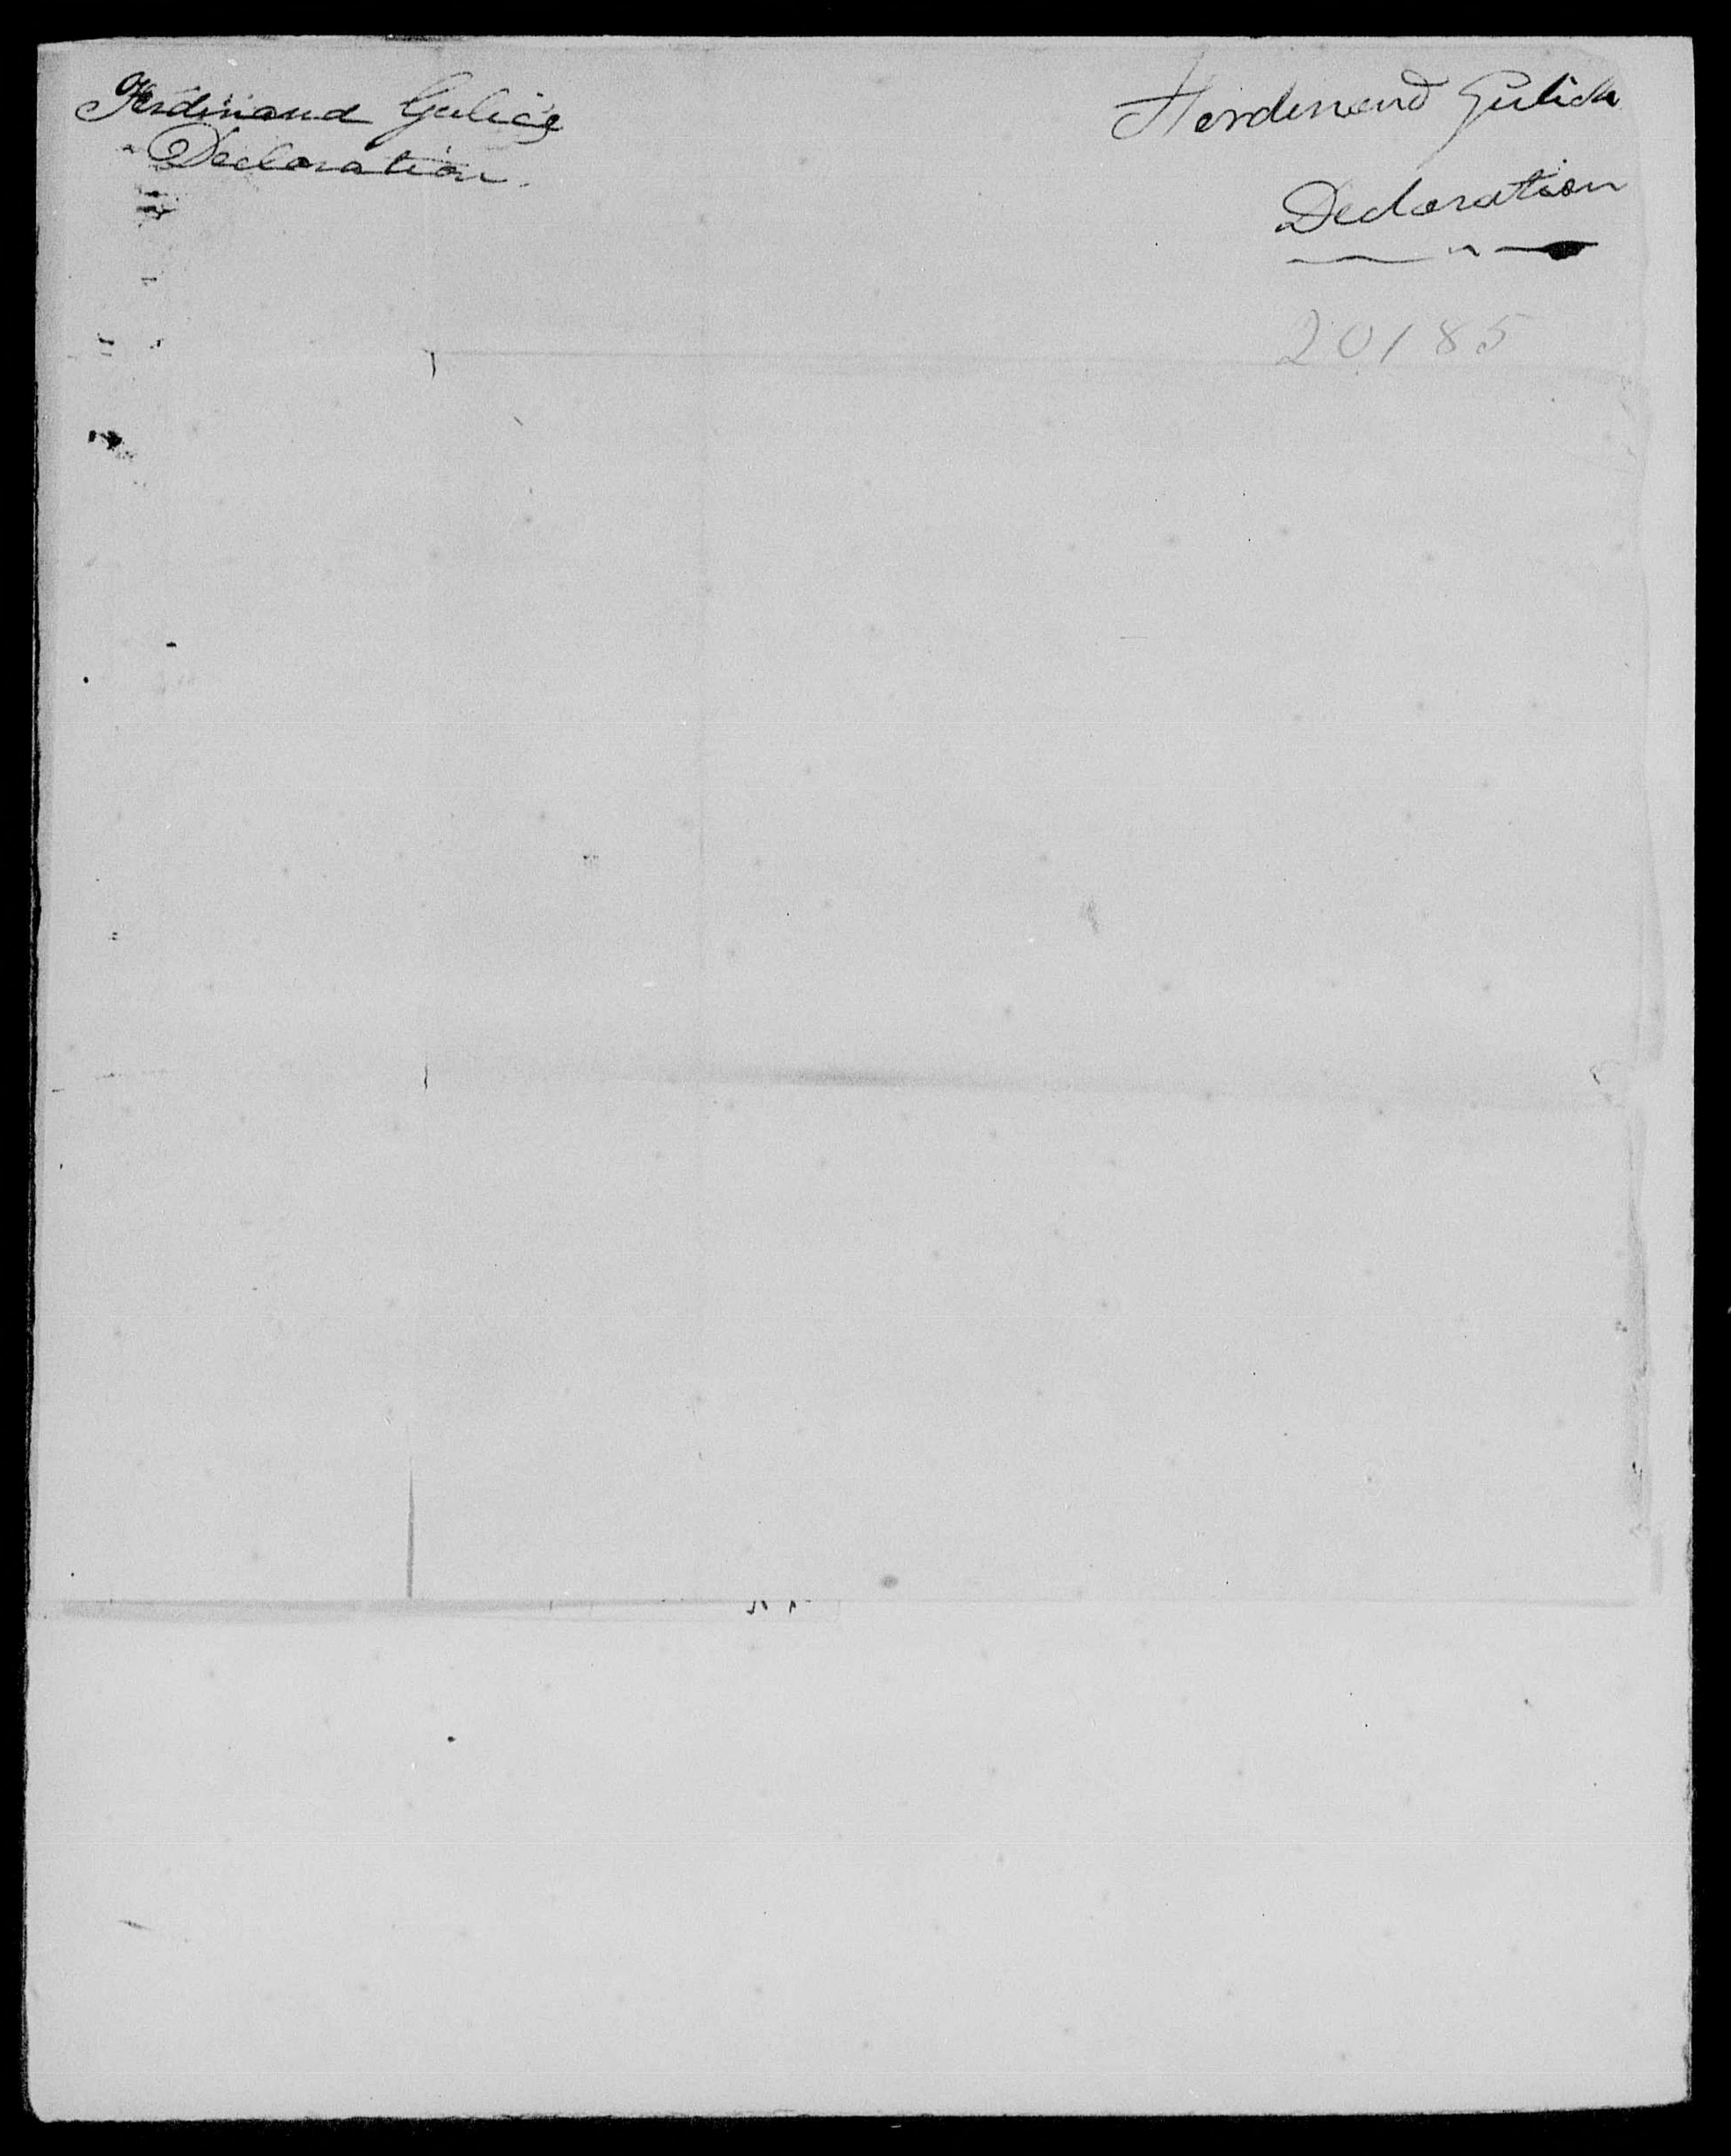Ferdinand Gulick
Declaration

Ferdinand Gulic
Declaration

20185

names: Ferdinand Gulick, Ferdinand Gulick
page: 3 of 21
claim: survivor's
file: S. 2586, Ferdinand Gulick, New Jersey Va.